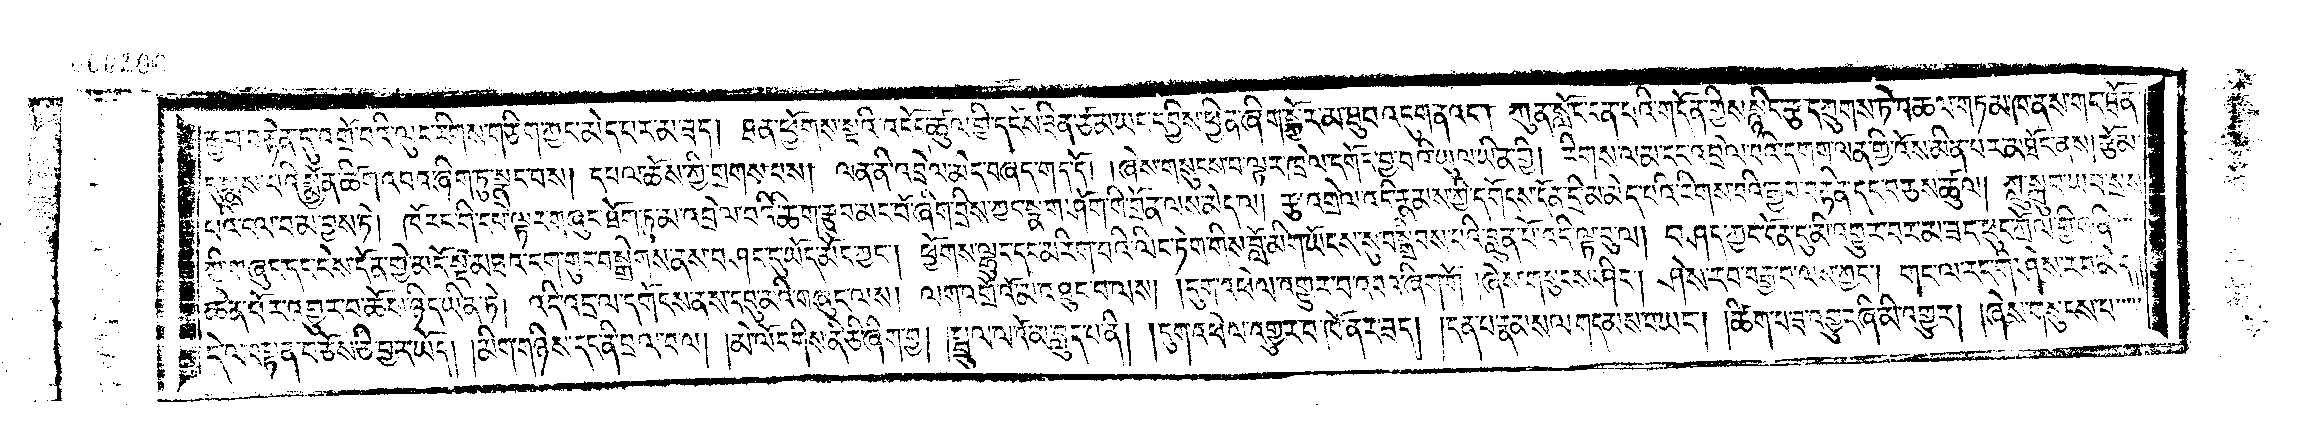རྒྱབ་བརྟེན་དུ་འགྲོ་བའི་ལུང་རིགས་གཅིག་ཀྱང་མེད་པར་མ་ཟད། ཐན་ཕྱོགས་སྔའི་འདོད་ཚུལ་གྱི་དངོས་ཟིན་ཙམ་ཡང་དཔྱིས་ཕྱིན་ཞིག་སྐྱོར་མ་ཐུབ་འདུག་ནའང་། ཀུན་སློང་ངན་པའི་གདོན་གྱིས་སྙིང་རྩ་དཀྲུགས་ཏེ་འཆལ་གཏམ་ཁ་ནས་གང་ཐོན་
དུ་སྨྲས་པའི་སྨྱེན་ཚིག་འབའ་ཞིག་ཏུ་སྣང་བས། དཔལ་ཆོས་ཀྱི་གྲགས་པས། ལན་ནི་འབྲེལ་མེད་བཞད་གད་དོ། །ཞེས་གསུངས་པ་ལྟར་ཁྲེལ་དགོད་བྱ་བའི་ཡུལ་ཡིན་གྱི། རིགས་ལམ་དང་འབྲེལ་བའི་དགག་ལན་གྱི་འོས་མིན་པར་མཐོང་ནས། རྩོམ་
པའི་ངལ་བ་མ་བྱས་ཏེ། ཁོ་རང་གི་དཔེ་ལྟར་གཞུང་ཐོག་ཏུ་མ་འབྲེལ་བའི་ཚིག་རྩུབ་མང་པོ་ཞིག་བྲིས་ཀྱང་སྣག་ཤོག་གི་གྲོན་ལས་མེད་ལ། རྩ་འགྲེལ་འདི་རྣམས་ཀྱི་དགོངས་དོན་དྲི་མ་མེད་པའི་རིགས་པའི་རྒྱབ་བརྟེན་དང་བཅས་ཚུལ། ཀླུ་སྒྲུབ་ཡབ་སྲས་
ཀྱི་གཞུང་དང་ངེས་དོན་གྱི་མདོ་སྔེ་མཐའ་དག་གུང་བསྒྲིགས་ནས་བཤད་དུ་ཡོད་མོད་ཀྱང་། ཕྱོགས་ལྷུང་དང་མ་རིག་པའི་ལིང་ཏོག་གིས་བློ་མིག་ཡོངས་སུ་བསྒྲིབས་པའི་བླུན་པོ་འདི་ལྟ་བུ་ལ། བཤད་ཀྱང་དོན་དུ་མི་འགྱུར་བར་མ་ཟད་ཕུང་ཀྲོལ་གྱི་གཞི་
ཆེན་པོར་འགྱུར་བ་ཆོས་ཉིད་ཡིན་ཏེ། འདི་འདྲ་ལ་དགོངས་ནས་དབུ་མའི་གཞུང་ལས། ལག་འགྲོ་འོ་མ་འཐུང་བ་ལས། །དུག་འཕེལ་འགྱུར་པ་འབའ་ཞིག་གོ །ཞེས་གསུངས་ཤིང་། ཤེས་རབ་བརྒྱ་པ་ལས་ཀྱང་། གང་ལ་རང་གི་ཤེས་རབ་མེད།
དེ་ལ་བསྟན་བཅོས་ཅི་བྱར་ཡོད། །མིག་གཉིས་དང་ནི་བྲལ་བ་ལ། །མེ་ལོང་གིས་ནི་ཅི་ཞིག་བྱ། །སྦྲུལ་ལ་འོ་མ་བླུད་པ་ནི། །དུག་འཕེལ་འགྱུར་པ་ཁོ་ནར་ཟད། །ངན་པ་རྣམས་ལ་གདམས་པ་ཡང་། །ཚིག་པ་ཟ་འགྱུར་ཞི་མི་འགྱུར། །ཞེས་གསུངས་པ་